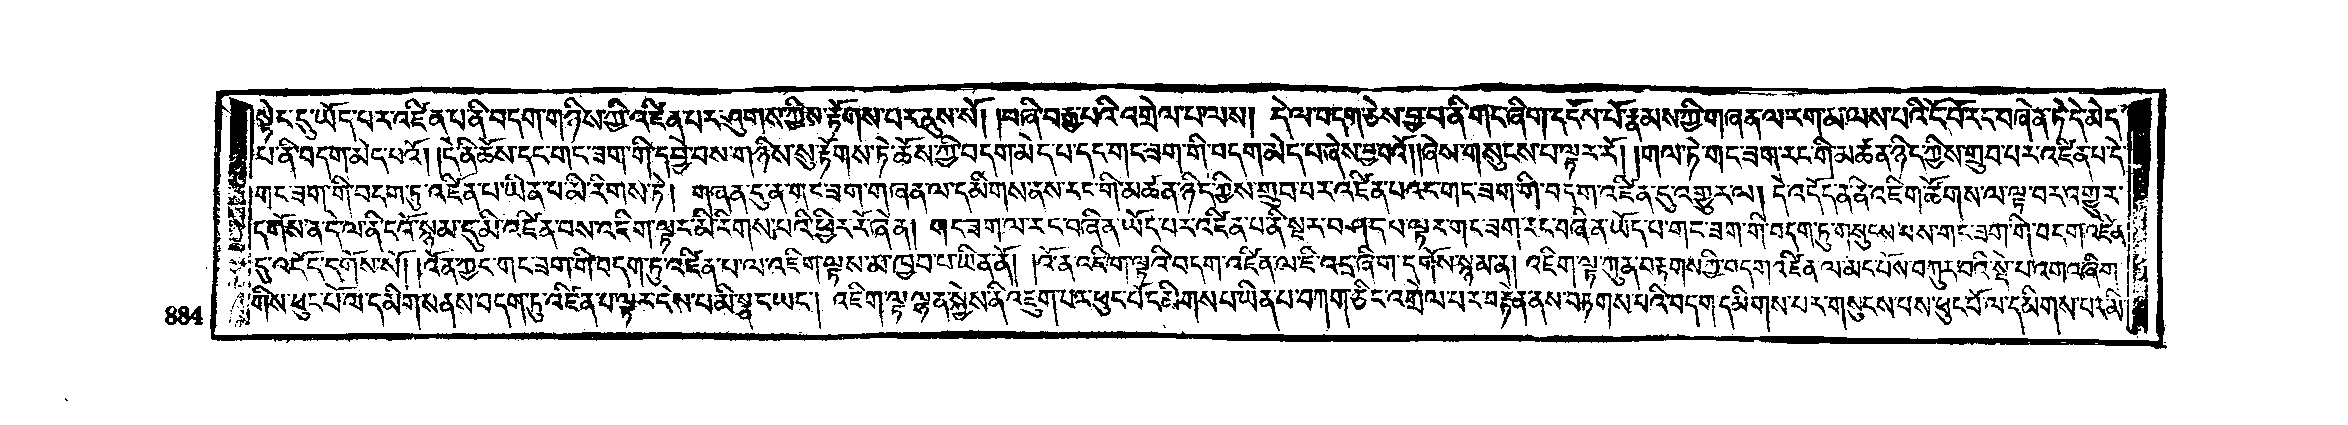སྟེང་དུ་ཡོད་པར་འཛིན་པ་ནི་བདག་གཉིས་ཀྱི་འཛིན་པར་ཤུགས་ཀྱིས་རྟོགས་པར་ནུས་སོ། །བཞི་བརྒྱ་པའི་འགྲེལ་པ་ལས། དེ་ལ་བདག་ཅེས་བྱ་བ་ནི་གང་ཞིག་དངོས་པོ་རྣམས་ཀྱི་གཞན་ལ་རག་མ་ལས་པའི་ངོ་བོ་རང་བཞིན་ཏེ་དེ་མེད་
པ་ནི་བདག་མེད་པའོ། །དེ་ནི་ཆོས་དང་གང་ཟག་གི་དབྱེ་བས་གཉིས་སུ་རྟོགས་ཏེ་ཆོས་ཀྱི་བདག་མེད་པ་དང་གང་ཟག་གི་བདག་མེད་པ་ཞེས་བྱ་བའོ། །ཞེས་གསུངས་པ་ལྟར་རོ། །གལ་ཏེ་གང་ཟག་རང་གི་མཚན་ཉིད་ཀྱིས་གྲུབ་པར་འཛིན་པ་དེ་
གང་ཟག་གི་བདག་ཏུ་འཛིན་པ་ཡིན་པ་མི་རིགས་ཏེ། གཞན་དུ་ན་གང་ཟག་གཞན་ལ་དམིགས་ནས་རང་གི་མཚན་ཉིད་ཀྱིས་གྲུབ་པར་འཛིན་པའང་གང་ཟག་གི་བདག་འཛིན་དུ་འགྱུར་ལ། དེ་འདོད་ན་ནི་འཇིག་ཚོགས་ལ་ལྟ་བར་འགྱུར་
དགོས་ན་དེ་ལ་ནི་ངའོ་སྙམ་དུ་མི་འཛིན་པས་འཇིག་ལྟར་མི་རིགས་པའི་ཕྱིར་རོ་ཞེ་ན། གང་ཟག་ལ་རང་བཞིན་ཡོད་པར་འཛིན་པ་ནི་སྔར་བཤད་པ་ལྟར་གང་ཟག་རང་བཞིན་ཡོད་པ་གང་ཟག་གི་བདག་ཏུ་གསུངས་པས་གང་ཟག་གི་བདག་འཛིན་
དུ་འདོད་དགོས་སོ། །འོན་ཀྱང་གང་ཟག་གི་བདག་ཏུ་འཛིན་པ་ལ་འཇིག་ལྟས་མ་ཁྱབ་པ་ཡིན་ནོ། །འོ་ན་འཇིག་ལྟའི་བདག་འཛིན་ལ་ཇི་འདྲ་ཞིག་དགོས་སྙམ་ན། འཇིག་ལྟ་ཀུན་བརྟགས་ཀྱི་བདག་འཛིན་ལ་མང་པོས་བཀུར་བའི་སྡེ་པ་འགའ་ཞིག་
གིས་ཕུང་པོ་ལ་དམིགས་ནས་བདག་ཏུ་འཛིན་པ་ལྟར་ངེས་པ་མི་སྣང་ཡང་། འཇིག་ལྟ་ལྷན་སྐྱེས་ནི་འཇུག་པར་ཕུང་པོ་དམིགས་པ་ཡིན་པ་བཀག་ཅིང་འགྲེལ་པར་བརྟེན་ནས་བཏགས་པའི་བདག་དམིགས་པར་གསུངས་པས་ཕུང་པོ་ལ་དམིགས་པར་མི་